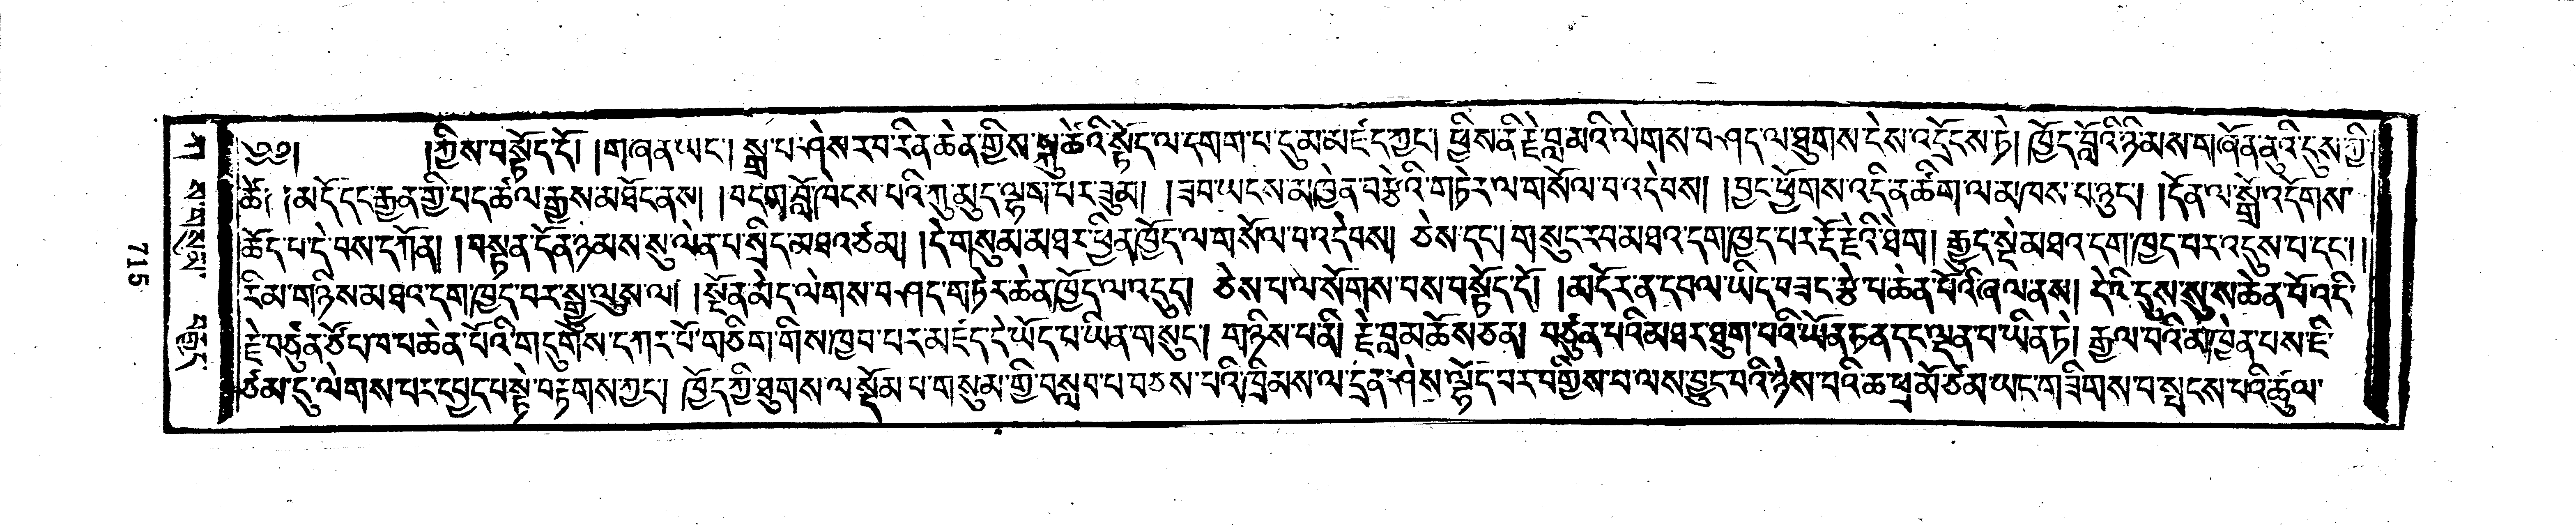༄༅། །ཀྱིས་བསྟོད་དོ། །གཞན་ཡང་། སྒྲ་པ་ཤེས་རབ་རིན་ཆེན་གྱིས་སྐུ་ཚེའི་སྟོད་ལ་དགག་པ་དུ་མ་མཛད་ཀྱང་། ཕྱིས་ནི་རྗེ་བླ་མའི་ལེགས་བཤད་ལ་ཐུགས་ངེས་འདྲོངས་ཏེ། ཁྱོད་བློའི་ཉི་མས་གཞོན་ནུའི་དུས་ཀྱི་
ཚེ༑ ༑མདོ་དང་རྒྱན་གྱི་པད་ཚལ་རྒྱས་མཐོང་ནས། །བདག་བློ་ཁེངས་པའི་ཀུ་མུད་ལྷག་པར་ཟུམ། །ཟབ་ཡངས་མཁྱེན་བརྩེའི་གཏེར་ལ་གསོལ་བ་འདེབས། །བྱང་ཕྱོགས་འདི་ན་ཚིག་ལ་མཁས་པ་ཉུང་། །དོན་ལ་སྒྲོ་འདོགས་
ཆོད་པ་དེ་བས་དཀོན། །བསྟན་དོན་ཉམས་སུ་ལེན་པ་སྲིད་མཐའ་ཙམ། །དེ་གསུམ་མཐར་ཕྱིན་ཁྱོད་ལ་གསོལ་བ་འདེབས། ཅེས་དང་། གསུང་རབ་མཐའ་དག་ཁྱད་པར་རྡོ་རྗེའི་ཐེག །རྒྱུད་སྡེ་མཐའ་དག་ཁྱད་པར་འདུས་པ་དང་། །
རིམ་གཉིས་མཐའ་དག་ཁྱད་པར་སྒྱུ་ལུས་ལ། །སྔོན་མེད་ལེགས་བཤད་གཏེར་ཆེན་ཁྱོད་ལ་འདུད། ཅེས་པ་ལ་སོགས་པས་བསྟོད་དོ། །མདོར་ན་དཔལ་ཡིད་བཟང་རྩེ་པ་ཆེན་པོའི་ཞལ་ནས། དེའི་དུས་སུ་ས་ཆེན་པོ་འདི་
རྗེ་བཙུན་ཙོང་ཁ་པ་ཆེན་པོའི་གདུགས་དཀར་པོ་གཅིག་གིས་ཁྱབ་པར་མཛད་དེ་ཡོད་པ་ཡིན་གསུང་། གཉིས་པ་ནི། རྗེ་བླ་མ་ཆོས་ཅན། བཙུན་པའི་མཐར་ཐུག་པའི་ཡོན་ཏན་དང་ལྡན་པ་ཡིན་ཏེ། རྒྱལ་བའི་མཁྱེན་པས་ཇི་
ཙམ་དུ་ལེགས་པར་དཔྱད་པ་སྟེ་བརྟགས་ཀྱང་། ཁྱོད་ཀྱི་ཐུགས་ལ་སྡོམ་པ་གསུམ་གྱི་བསླབ་པ་བཅས་པའི་ཁྲིམས་ལ་དྲན་ཤེས་ལྷོད་པར་བགྱིས་པ་ལས་བྱུང་བའི་ཉེས་པའི་ཆ་ཕྲ་མོ་ཙམ་ཡང་གཟིགས་པ་སྤངས་པའི་ཚུལ་